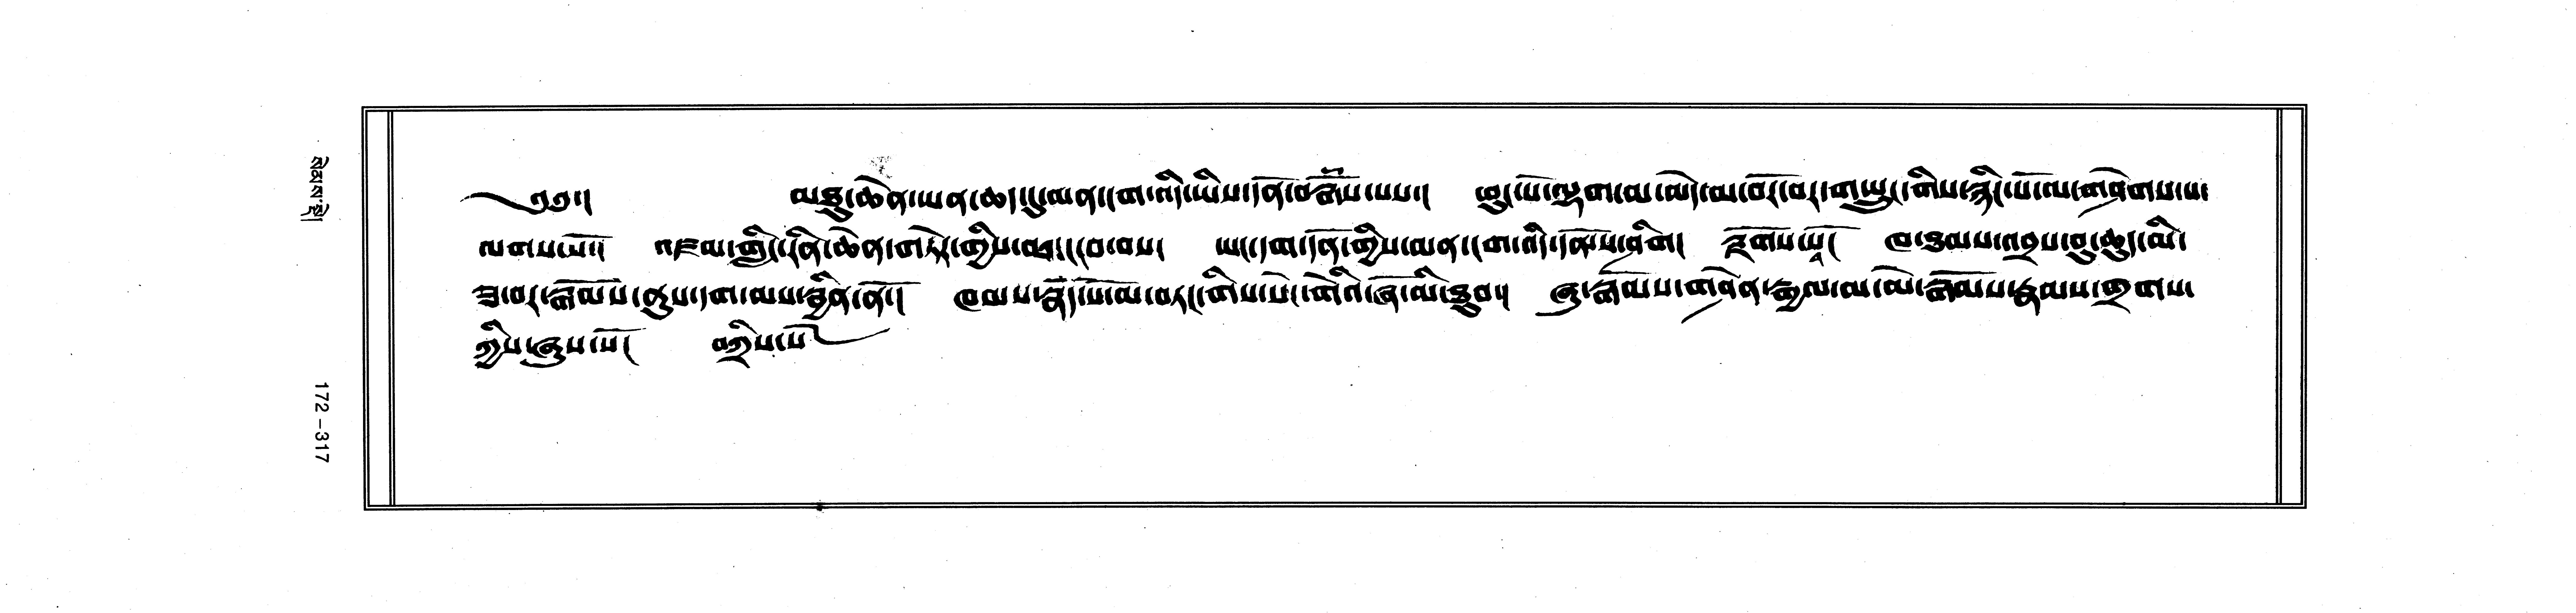མཐུ་ཆེན་ཡན་ཆད་དུ་མན་ངག་འདི་ཡིས་དོན་བསྒོམས་པས། ཕུང་པོ་ལྷག་མ་མེད་མ་བོར་བར་གཡུང་དྲུང་གིས་སྙིང་པོ་ལ་གཤེགས་པ་
ལགས་སོ། འཛམ་གླིང་རིན་ཆེན་གཏེར་གྱིས་བཀང་བ་བས། ཡང་དག་དོན་གྱིས་མན་ངག་འདི་དོན་ཤིག རྫོགས་སྭོ། ཁ་ཐམས་འབྲས་བུ་ཆུད་མི་
ཟ་བར་སྒོམས་ནུས་དག་མས་སྦྱིན་ནོ། ཁམས་སྣོད་སོ་མ་བཏང་གིས་སེང་གེའི་ཞོ་མི་ཐུབ། ཞུ་སྒོམས་གཤེན་རྒྱལ་མ་མེ་སྒོམས་རྣམ་གྲགས་
ཀྱིས་ཞུས་སོ། བཀྲ་ཤིས།